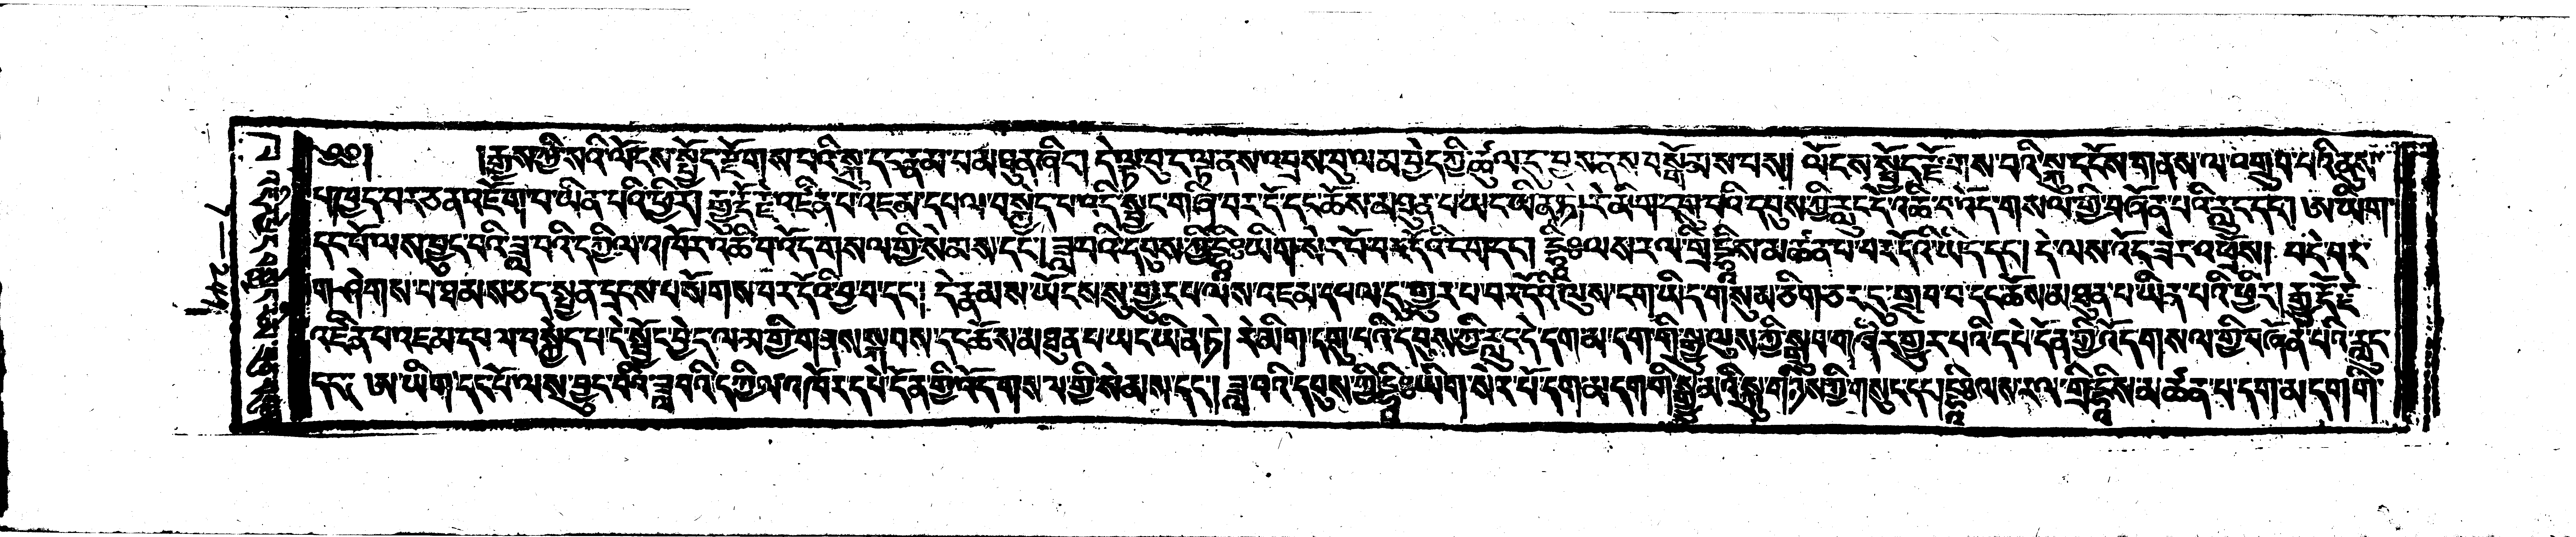༄༅། །རྒྱས་ཀྱི་སའི་ལོངས་སྤྱོད་རྫོགས་པའི་སྐུ་དང་རྣམ་པ་མཐུན་ཞིང་། དེ་ལྟ་བུ་ད་ལྟ་ནས་འབྲས་བུ་ལམ་བྱེད་ཀྱི་ཚུལ་དུ་བྱས་ནས་བསྒོམས་པས། ལོངས་སྤྱོད་རྫོགས་པའི་སྐུ་དངོས་གནས་ལ་འགྲུབ་པའི་ནུས་
པ་ཁྱད་པར་ཅན་འཇོག་པ་ཡིན་པའི་ཕྱིར། རྒྱུ་རྡོ་རྗེ་འཛིན་པ་འཇམ་དཔལ་བསྐྱེད་པ་འདི་སྦྱང་གཞི་བར་དོ་དང་ཆོས་མཐུན་པ་ཡང་ཡིན་ཏེ། རེ་མིག་དགུ་བའི་དབུས་ཀྱི་རླུང་དེ་འཆི་བ་འོད་གསལ་གྱི་བཞོན་པའི་རླུང་དང་། ཨ་ཡིག་
དང་པོ་ལས་བྱུང་བའི་ཟླ་བའི་དཀྱིལ་འཁོར་འཆི་བ་འོད་གསལ་གྱི་སེམས་དང་། ཟླ་བའི་དབུས་ཀྱི་དྷཱིཿ ཡིག་སེར་པོ་བར་དོའི་ངག་དང་། དྷཱིཿ ལས་རལ་གྲི་དྷཱིས་མཚན་པ་བར་དོའི་ཡིད་དང་། དེ་ལས་འོད་ཟེར་འཕྲོས། བདེ་བར་
གཤེགས་པ་ཐམས་ཅད་སྤྱན་དྲངས་བ་སོགས་བར་དོའི་བྱ་བ་དང་། དེ་རྣམས་ཡོངས་སུ་གྱུར་བ་ལས་འཇམ་དཔལ་དུ་གྱུར་པ་བར་དོའི་ལུས་ངག་ཡིད་གསུམ་ཅིག་ཅར་དུ་གྲུབ་པ་དང་ཆོས་མཐུན་པ་ཡིན་པའི་ཕྱིར། རྒྱུ་རྡོ་རྗེ་
འཛིན་པ་འཇམ་དཔལ་བསྐྱེད་པ་དེ་སྦྱོང་བྱེད་ལམ་གྱི་གནས་སྐབས་དང་ཆོས་མཐུན་པ་ཡང་ཡིན་ཏེ། རེ་མིག་དགུ་པའི་དབུས་ཀྱི་རླུང་དེ་དག་མ་དག་གི་སྒྱུ་ལུས་ཀྱི་སྒྲུབ་གཞིར་གྱུར་པའི་དཔེ་དོན་གྱི་འོད་གསལ་གྱི་བཞོན་པའི་རླུང་
དང༑ ཨ་ཡིག་དང་པོ་ལས་བྱུང་བའི་ཟླ་བའི་དཀྱིལ་འཁོར་དཔེ་དོན་གྱི་འོད་གསལ་གྱི་སེམས་དང་། ཟླ་བའི་དབུས་ཀྱི་དྷཱིཿ ཡིག་སེར་པོ་དག་མ་དག་གི་སྒྱུ་མའི་སྐུ་གཉིས་ཀྱི་གསུང་དང་། དྷཱིཿ ལས་རལ་གྲི་དྷཱི་སམ་ཚན་པ་དག་མ་དག་གི་